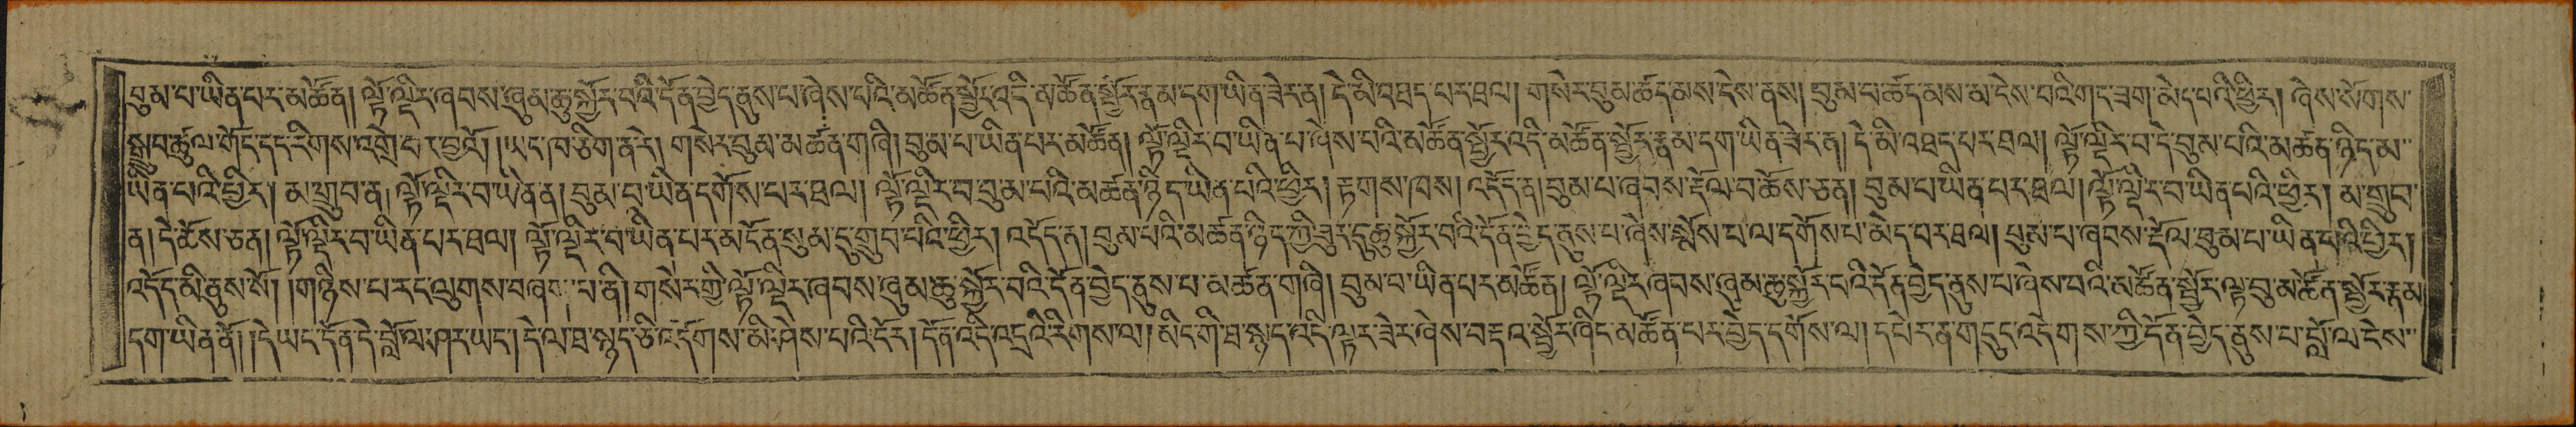བུམ་པ་ཡིན་པར་མཚོན། ལྟོ་ལྡིར་ཞབས་ཞུམ་ཆུ་སྐྱོར་བའི་དོན་བྱེད་ནུས་པ་ཞེས་པའི་མཚོན་སྦྱོར་འདི་མཚོན་སྦྱོར་རྣམ་དག་ཡིན་ཟེར་ན། དེ་མི་འཐད་པར་ཐལ། གསེར་བུམ་ཚད་མས་ངེས་ནས། བུམ་པ་ཚད་མས་མ་ངེས་པའི་གང་ཟག་མེད་པའི་ཕྱིར། ཞེས་སོགས་
སྒྲུབ་ཚུལ་གོང་དང་རིགས་འགྲེ་བར་བྱའོ། །ཡང་ཁ་ཅིག་ན་རེ། གསེར་བུམ་མཚན་གཞི། བུམ་པ་ཡིན་པར་མཚོན། ལྟོ་ལྡིར་བ་ཡིན་པ་ཞེས་པའི་མཚོན་སྦྱོར་འདི་མཚོན་སྦྱོར་རྣམ་དག་ཡིན་ཟེར་ན། དེ་མི་འཐད་པར་ཐལ། ལྟོ་ལྡིར་བ་དེ་བུམ་པའི་མཚན་ཉིད་མ་
ཡིན་པའི་ཕྱིར། མ་གྲུབ་ན། ལྟོ་ལྡིར་བ་ཡིན་ན། བུམ་པ་ཡིན་དགོས་པར་ཐལ། ལྟོ་ལྡིར་བ་བུམ་པའི་མཚན་ཉིད་ཡིན་པའི་ཕྱིར། རྟགས་ཁས། འདོད་ན། བུམ་པ་ཞབས་རྡོལ་བ་ཆོས་ཅན། བུམ་པ་ཡིན་པར་ཐལ། ལྟོ་ལྡིར་བ་ཡིན་པའི་ཕྱིར། མ་གྲུབ་
ན། དེ་ཆོས་ཅན། ལྟོ་ལྡིར་བ་ཡིན་པར་ཐལ། ལྟོ་ལྡིར་བ་ཡིན་པར་མངོན་སུམ་དུ་གྲུབ་པའི་ཕྱིར། འདོད་ན། བུམ་པའི་མཚན་ཉིད་ཀྱི་ཟུར་དུ་ཆུ་སྐྱོར་བའི་དོན་བྱེད་ནུས་པ་ཞེས་སྨོས་པ་ལ་དགོས་པ་མེད་པར་ཐལ། བུམ་པ་ཞབས་རྡོལ་བུམ་པ་ཡིན་པའི་ཕྱིར།
འདོད་མི་ནུས་སོ། །གཉིས་པ་རང་ལུགས་བཞག་པ་ནི། གསེར་གྱི་ལྟོ་ལྡིར་ཞབས་ཞུམ་ཆུ་སྐྱོར་བའི་དོན་བྱེད་ནུས་པ་མཚན་གཞི། བུམ་པ་ཡིན་པར་མཚོན། ལྟོ་ལྡིར་ཞབས་ཞུམ་ཆུ་སྐྱོར་བའི་དོན་བྱེད་ནུས་པ་ཞེས་པའི་མཚོན་སྦྱོར་ལྟ་བུ་མཚོན་སྦྱོར་རྣམ་
དག་ཡིན་ནོ། །དེ་ཡང་དོན་དེ་བློ་ལ་ཤར་ཡང་། དེ་ལ་ཐ་སྙད་ཅི་འདོགས་མི་ཤེས་པའི་ངོར། དོན་འདི་འདྲའི་རིགས་ལ། མིང་གི་ཐ་སྙད་འདི་ལྟར་ཟེར་ཞེས་བརྡའ་སྦྱོར་ཞིང་མཚོན་པར་བྱེད་དགོས་ལ། དཔེར་ན་གདུང་འདེགས་ཀྱི་དོན་བྱེད་ནུས་པ་བློ་ལ་ངེས་